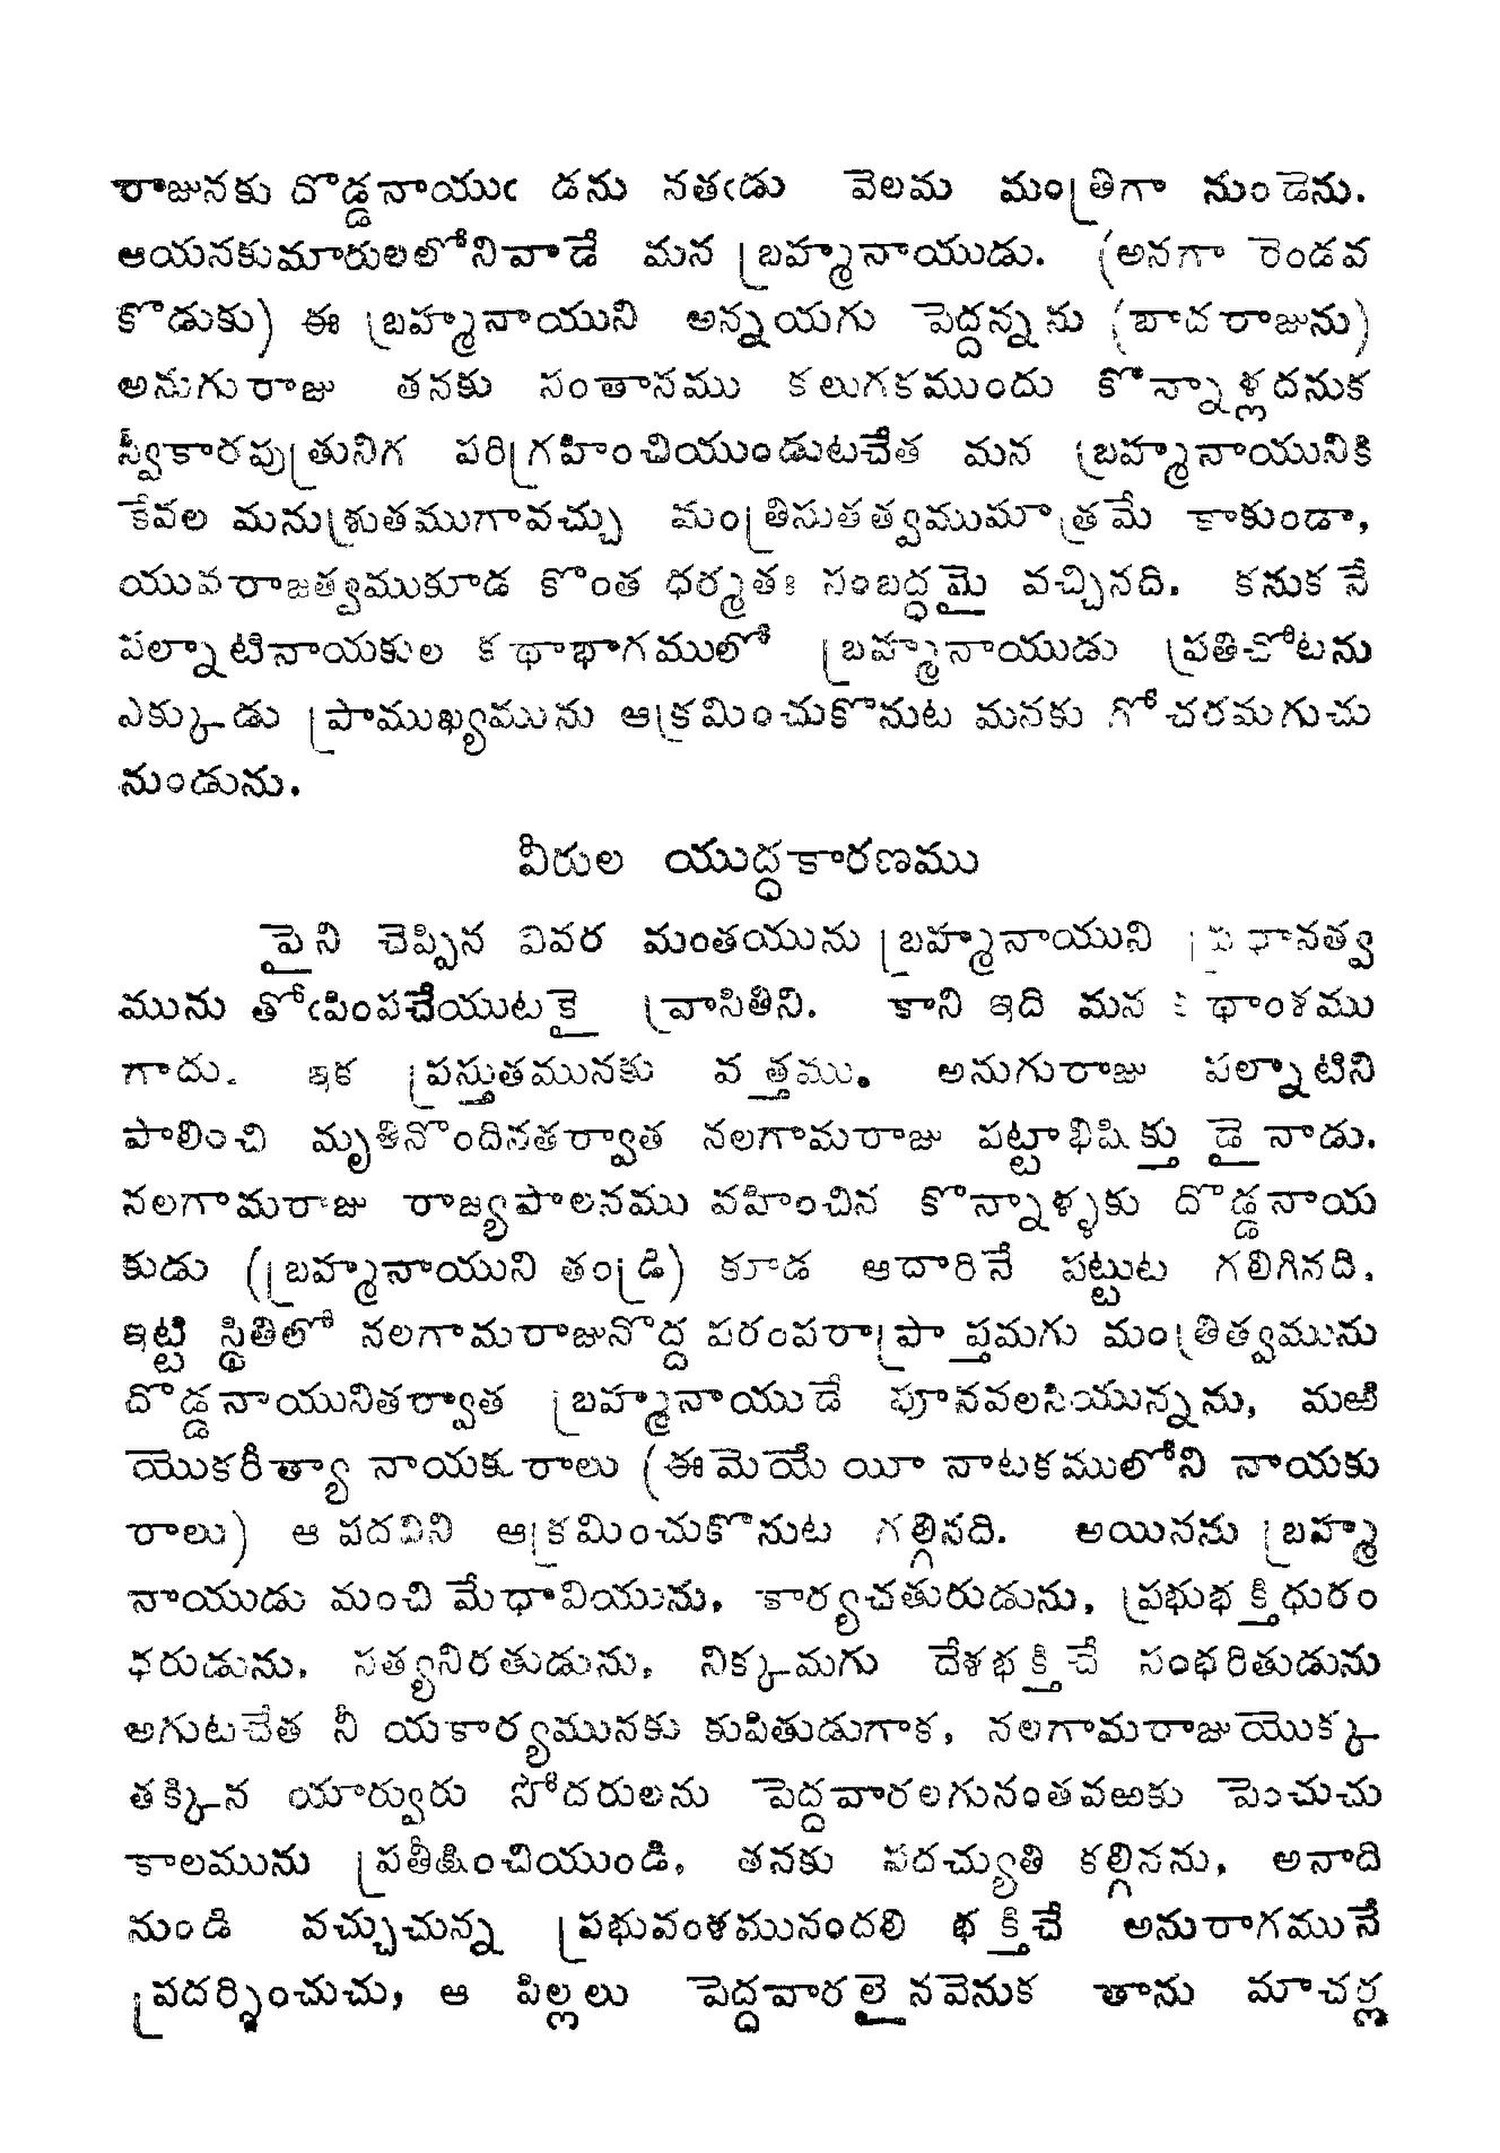రాజునకు దొడ్డనాయుఁ డను నతఁడు వెలమ మంత్రిగా నుండెను. ఆయనకుమారులలోనివాడే మన బ్రహ్మనాయుడు. (అనగా రెండవ కొడుకు) ఈ బ్రహ్మనాయుని అన్నయగు పెద్దన్నను (బాచరాజును)
అనుగురాజు తనకు సంతానము కలుగకముందు కొన్నాళ్లదనుక స్వీకారపుత్రునిగ పరిగ్రహించి యుండుటచేత మన బ్రహ్మనాయునికి కేవల మనుశ్రుతముగావచ్చు మంత్రిసుతత్వముమాత్రమే కాకుండా, యువరాజత్వముకూడ కొంత ధర్మతః సంబద్ధమై వచ్చినది. కనుకనే పల్నాటినాయకుల కథాభాగములో బ్రహ్మనాయుడు ప్రతిచోటను ఎక్కుడు ప్రాముఖ్యమును ఆక్రమించుకొనుట మనకు గోచరమగుచు నుండును.

పైని చెప్పిన వివర మంతయును బ్రహ్మనాయుని ప్రధానత్వమును తోఁపింపచేయుటకై వ్రాసితిని. కాని ఇది మన కథాంశము గాదు. ఇక ప్రస్తుతమునకు వత్తము. అనుగురాజు పల్నాటిని పాలించి మృతినొందినతర్వాత నలగామరాజు పట్టాభిషిక్తుడైనాడు. నలగామరాజు రాజ్యపాలనము వహించిన కొన్నాళ్ళకు దొడ్డనాయకుడు (బ్రహ్మనాయుని తండ్రి) కూడ ఆదారినే పట్టుట గలిగినది. ఇట్టి స్థితిలో నలగామరాజునొద్ద పరంపరాప్రాప్తమగు మంత్రిత్వమును దొడ్డనాయునితర్వాత బ్రహ్మనాయుడే పూనవలసియున్నను, మఱి యొకరీత్యా నాయకురాలు (ఈమెయే యీ నాటకములోని నాయకురాలు) ఆ పదవిని ఆక్రమించుకొనుట గల్గినది. అయినను బ్రహ్మనాయుడు మంచి మేధావియును, కార్యచతురుడును, ప్రభుభక్తిధురంధరుడును, సత్యనిరతుడును, నిక్కమగు దేశభక్తిచే సంభరితుడును అగుటచేత నీ యకార్యమునకు కుపితుడుగాక, నలగామరాజుయొక్క తక్కిన యార్వురు సోదరులను పెద్దవారలగునంతవఱకు పెంచుచు కాలమును ప్రతిక్షించియుండి, తనకు పదచ్యుతి కల్గినను, అనాదినుండివచ్చుచున్న ప్రభువంశమునందలి భక్తిచే అనురాగమునే
ప్రదర్శించుచు, ఆ పిల్లలు పెద్దవారలైన వెనుక తాను మాచర్ల